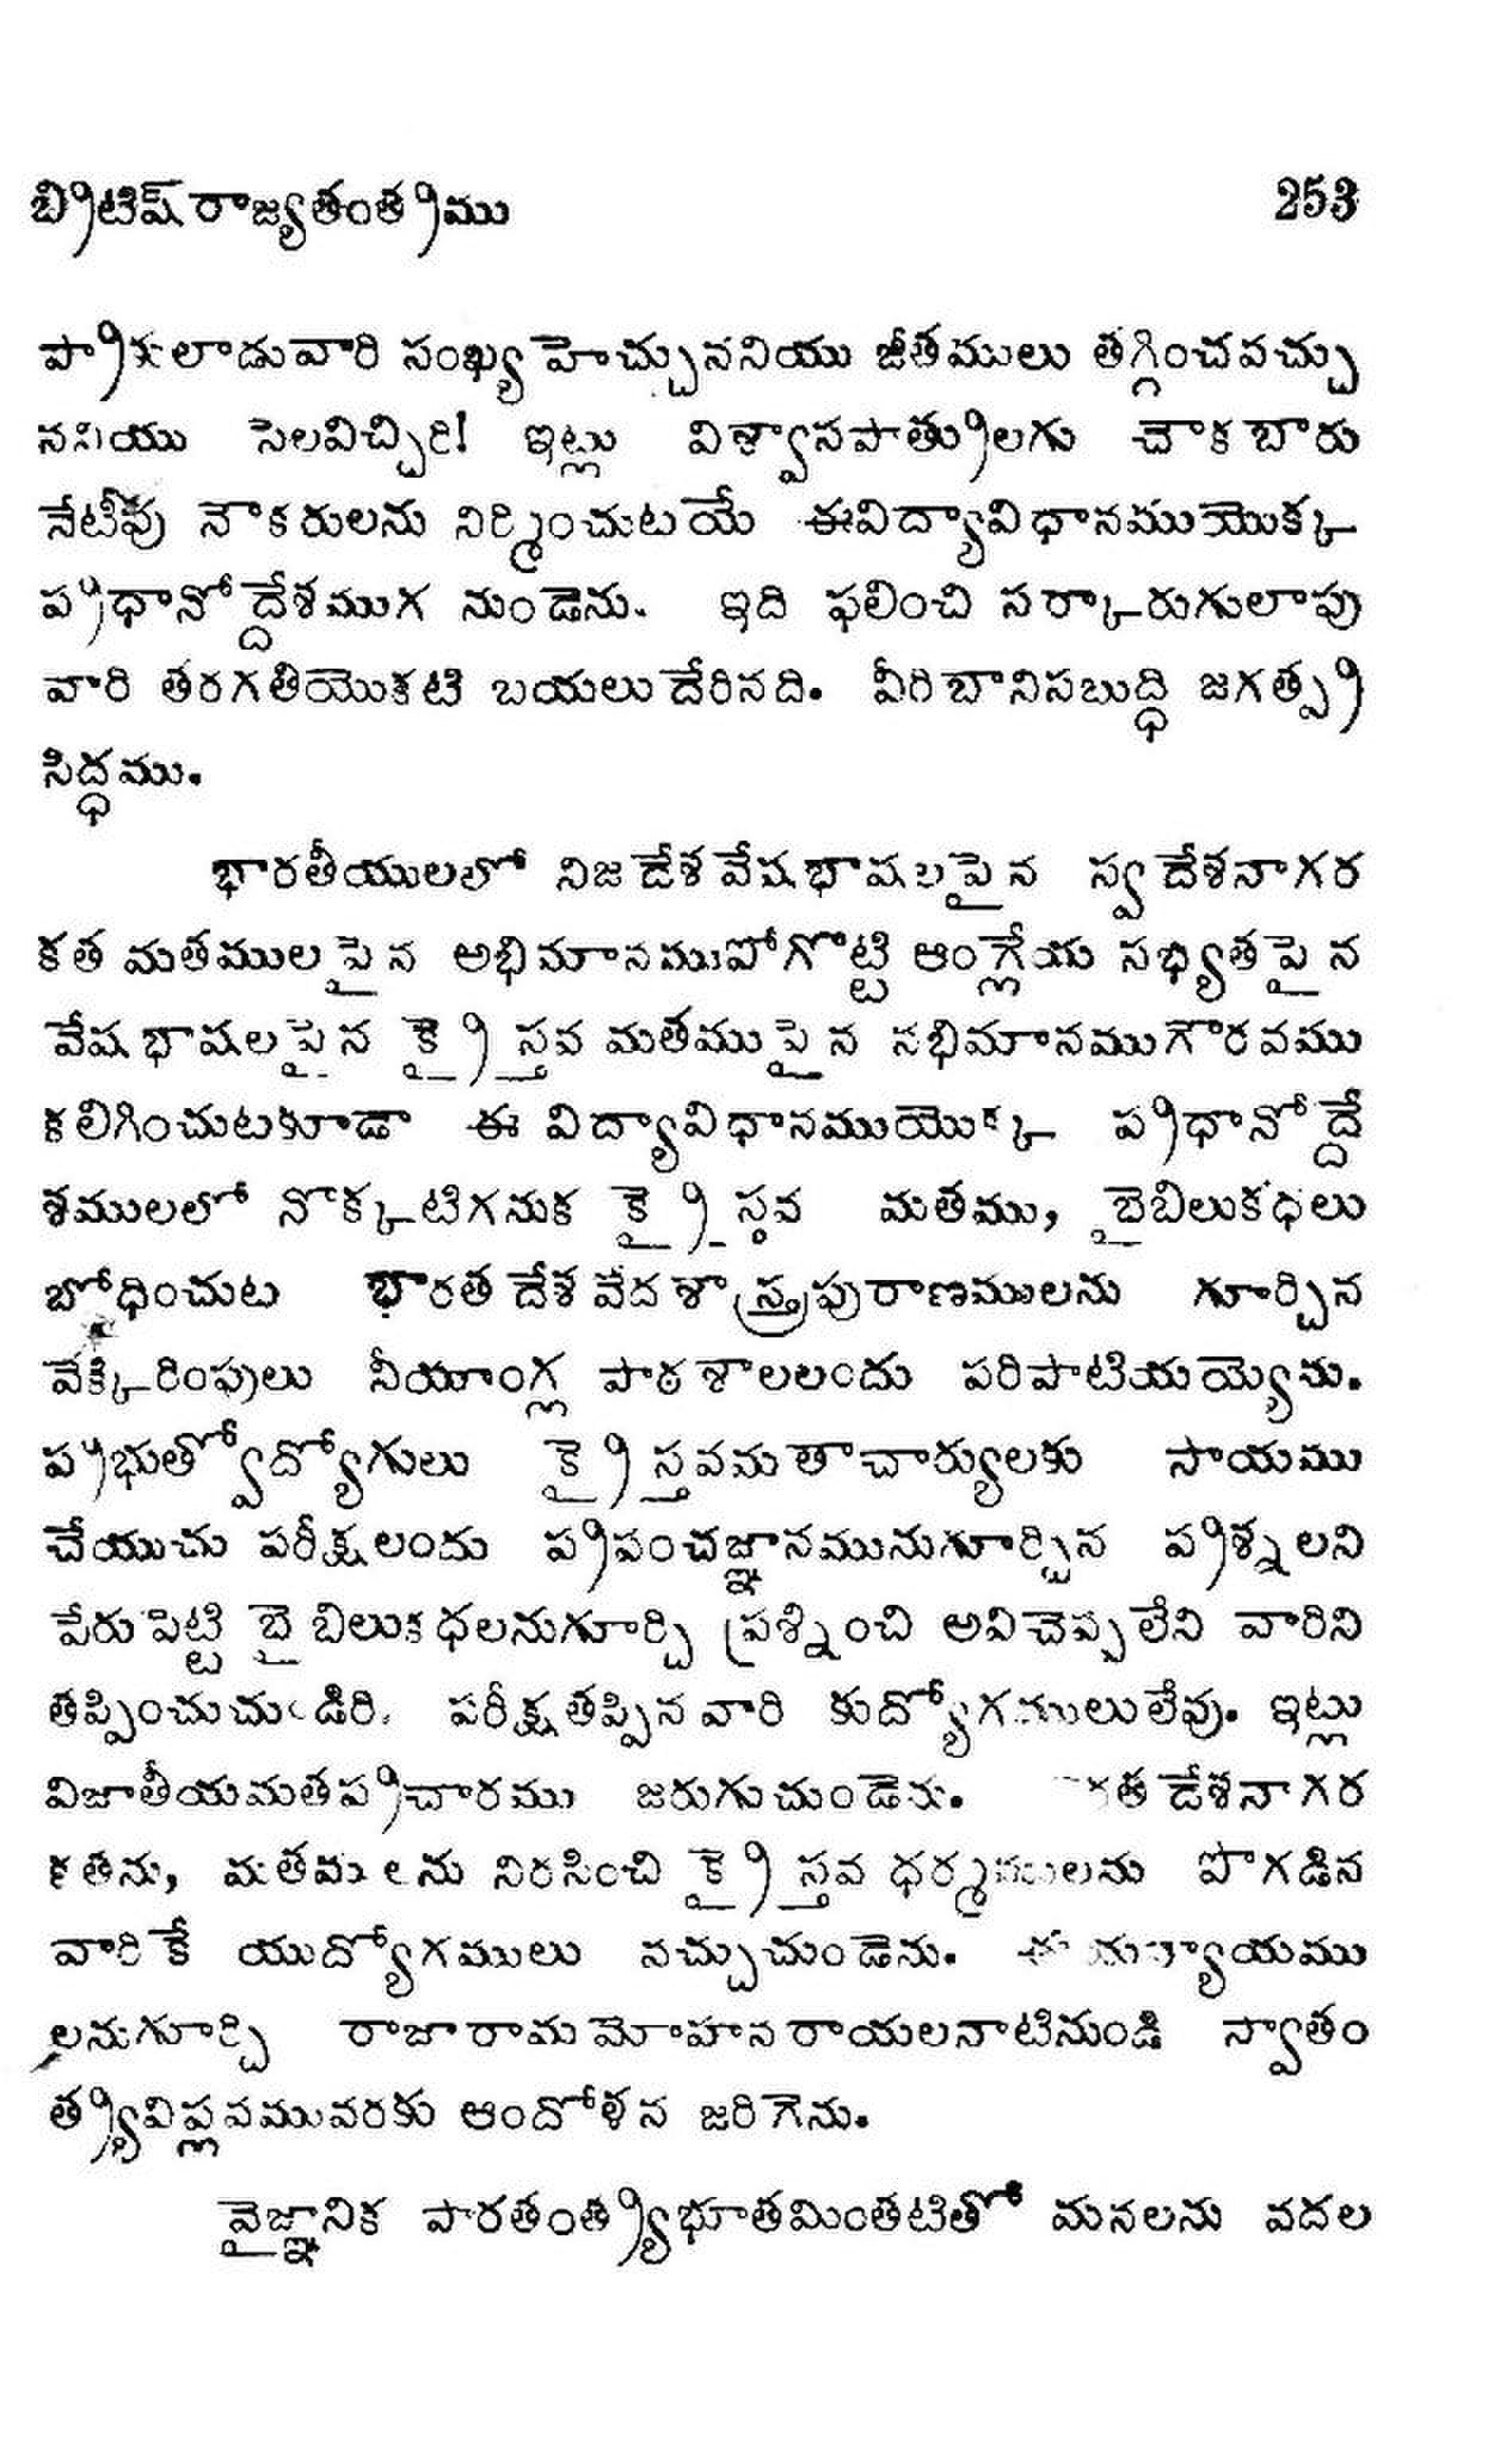ప్రాకులాడువారి సంఖ్య హెచ్చుననియు జీతములు తగ్గించవచ్చుననియు సెలవిచ్చిరి! ఇట్లు విశ్వాసపాత్రులగు చౌకబారు నేటీవు నౌకరులను నిర్మించుటయే ఈవిద్యావిధానముయొక్క ప్రధానోద్దేశముగ నుండెను. ఇది ఫలించి సర్కారుగులాపు వారి తరగతియొకటి బయలుదేరినది. వీరిబానిసబుద్ధి జగత్ప్రసిద్ధము .

భారతీయులలో నిజదేశవేషభాషలపైన స్వదేశనాగరకత మతములపైన అభిమానముపోగొట్టి ఆంగ్లేయ సభ్యతపైన
వేషభాషలపైన క్రైస్తవ మతముపైన నభిమానముగౌరవము కలిగించుటకూడా ఈ విద్యావిధానముయొక్క ప్రధానోద్దేశములలో నొక్కటిగనుక క్రైస్తవ మతము, బైబిలుకధలు బోధించుట భారతదేశవేదశాస్త్రపురాణములను గూర్చిన వెక్కిరింపులు నీయాంగ్ల పాఠశాలలందు పరిపాటియయ్యెను. ప్రభుత్వోద్యోగులు క్రైస్తవమతాచార్యులకు సాయము చేయుచు పరీక్షలందు ప్రపంచజ్ఞానమునుగూర్చిన ప్రశ్నలని పేరుపెట్టి బైబిలుకధలనుగూర్చి ప్రశ్నించి అవిచెప్పలేని వారిని తప్పించుచుండిరి. పరీక్షతప్పినవారి కుద్యోగములులేవు. ఇట్లు విజాతీయమతప్రచారము జరుగుచుండెను. భారతదేశనాగరకతను, మతములను నిరసించి క్రైస్తవ ధర్మములను పొగడినవారికే యుద్యోగములు వచ్చుచుండెను. ఈయన్యాయములనుగూర్చి రాజారామమోహనరాయలనాటినుండి స్వాతంత్ర్యవిప్లవమువరకు ఆందోళన జరిగెను.

వైజ్ఞానిక పారతంత్ర్యభూతమింతటితో మనలను వదల